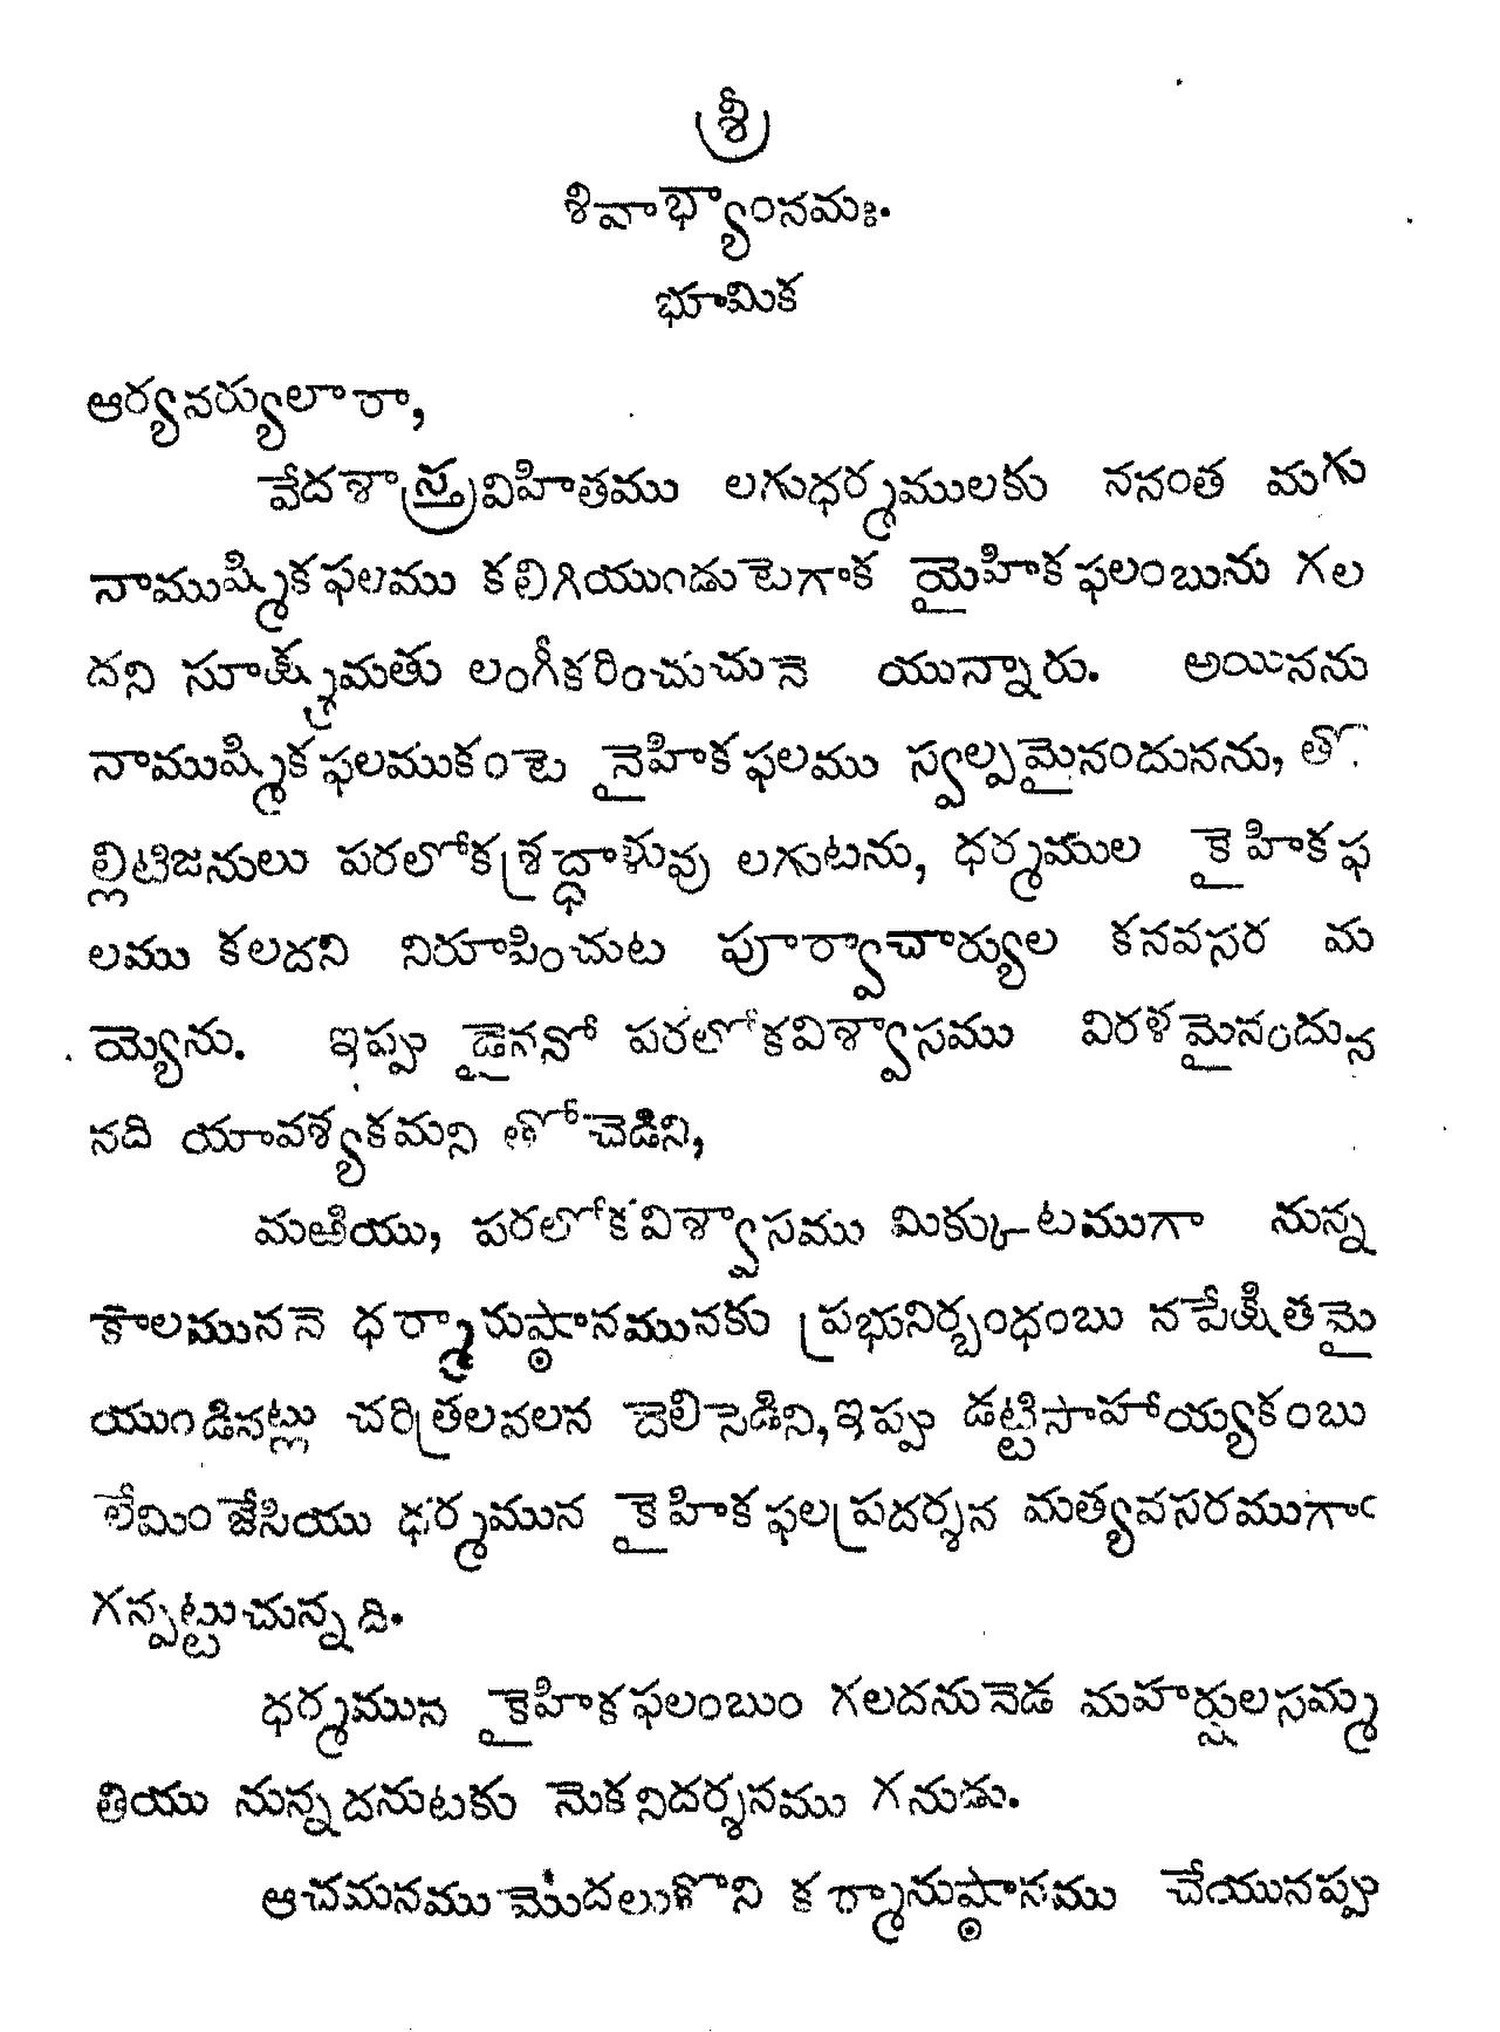ఆర్యవర్యులారా,

వేదశాస్త్రవిహితము లగుధర్మములకు ననంత మగు నాముష్మికఫలము కలిగియుండుటెగాక యైహికఫలంబును గలదని సూక్ష్మమతు లంగీకరించుచునే యున్నారు. అయినను నాముష్మికఫలముకంటె నైహికఫలము స్వల్పమైనందునను, తొల్లిటిజనులు పరలోకశ్రద్ధాళువు లగుటను, ధర్మముల కైహికఫలము కలదని నిరూపించుట పూర్వాచార్యుల కనవసర మయ్యెను. ఇప్పు డైననో పరలోక విశ్వాసము విరళమైనందున నది యావశ్యకమని తోచెడిని,

మఱియు, పరలోకవిశ్వాసము మిక్కుటముగా నున్న కాలముననె ధర్మానుష్ఠానమునకు ప్రభునిర్బంధంబు నపేక్షితమై యుండినట్లు చరిత్రలవలన దెలిసెడిని, ఇప్పు డట్టిసాహాయ్యకంబు లేమింజేసియు ధర్మమున కైహికఫలప్రదర్శన మత్యవసరముగాఁ గన్పట్టుచున్నది.

ధర్మమున కైహికఫలంబుం గలదనునెడ మహర్షులసమ్మతియు నున్నదనుటకు నొకనిదర్శనము గనుడు.

ఆచమనము మొదలుకొని కర్మానుష్ఠానము చేయునప్పు